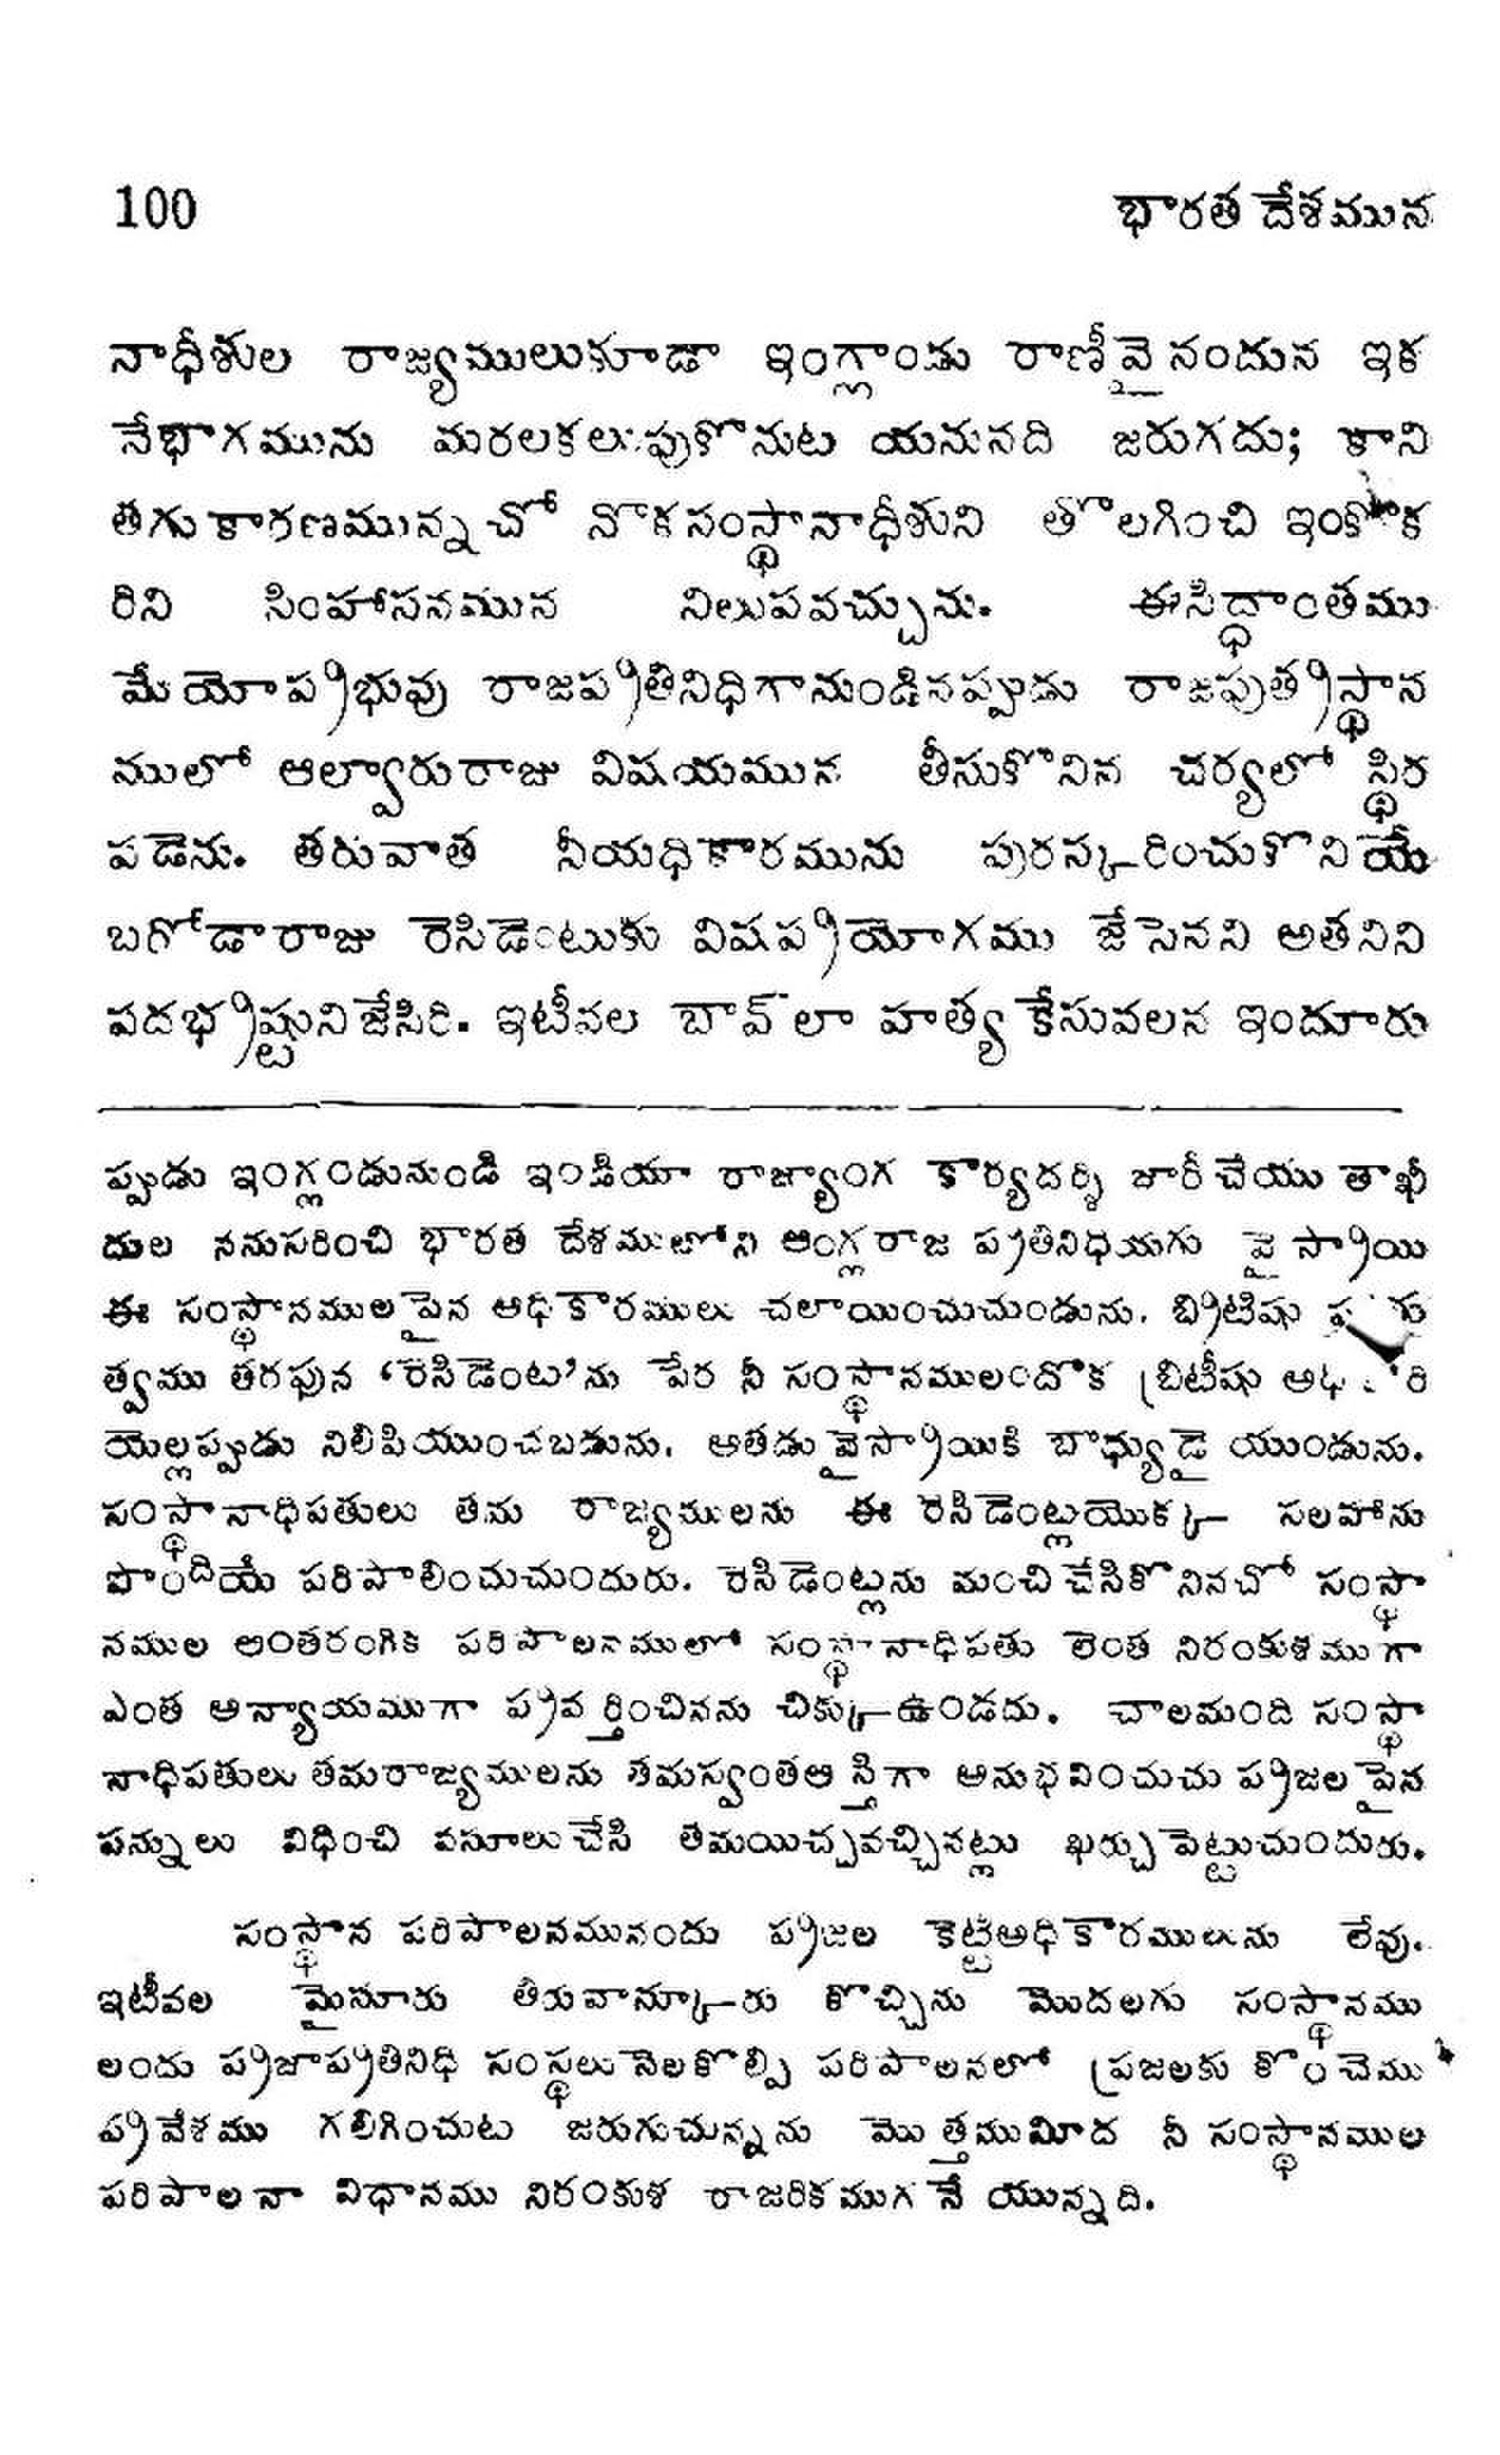నాధీశుల రాజ్యములుకూడా ఇంగ్లాండు రాణీవైనందున ఇక నేభాగమును మరలకలుపుకొనుట యనునది జరుగదు; కాని తగుకారణమున్న చో నొకసంస్థానాధీశుని తొలగించి ఇంకొకరిని సింహాసనమున నిలుపవచ్చును. ఈ సిద్ధాంతము మేయోప్రభువు రాజప్రతినిధిగానుండినప్పుడు రాజుపుత్రస్థానములో ఆల్వారురాజు విషయమున తీసుకొనిన చర్యలో స్థిరపడెను. తరువాత నీయధికారమును పురస్కరించుకొనియే బరోడారాజు రెసిడెంటుకు విషప్రయోగము జేసెనని అతనిని పదభ్రష్టునిజేసిరి. ఇటీవల బావ్‌లా హత్య కేసువలన ఇందూరు